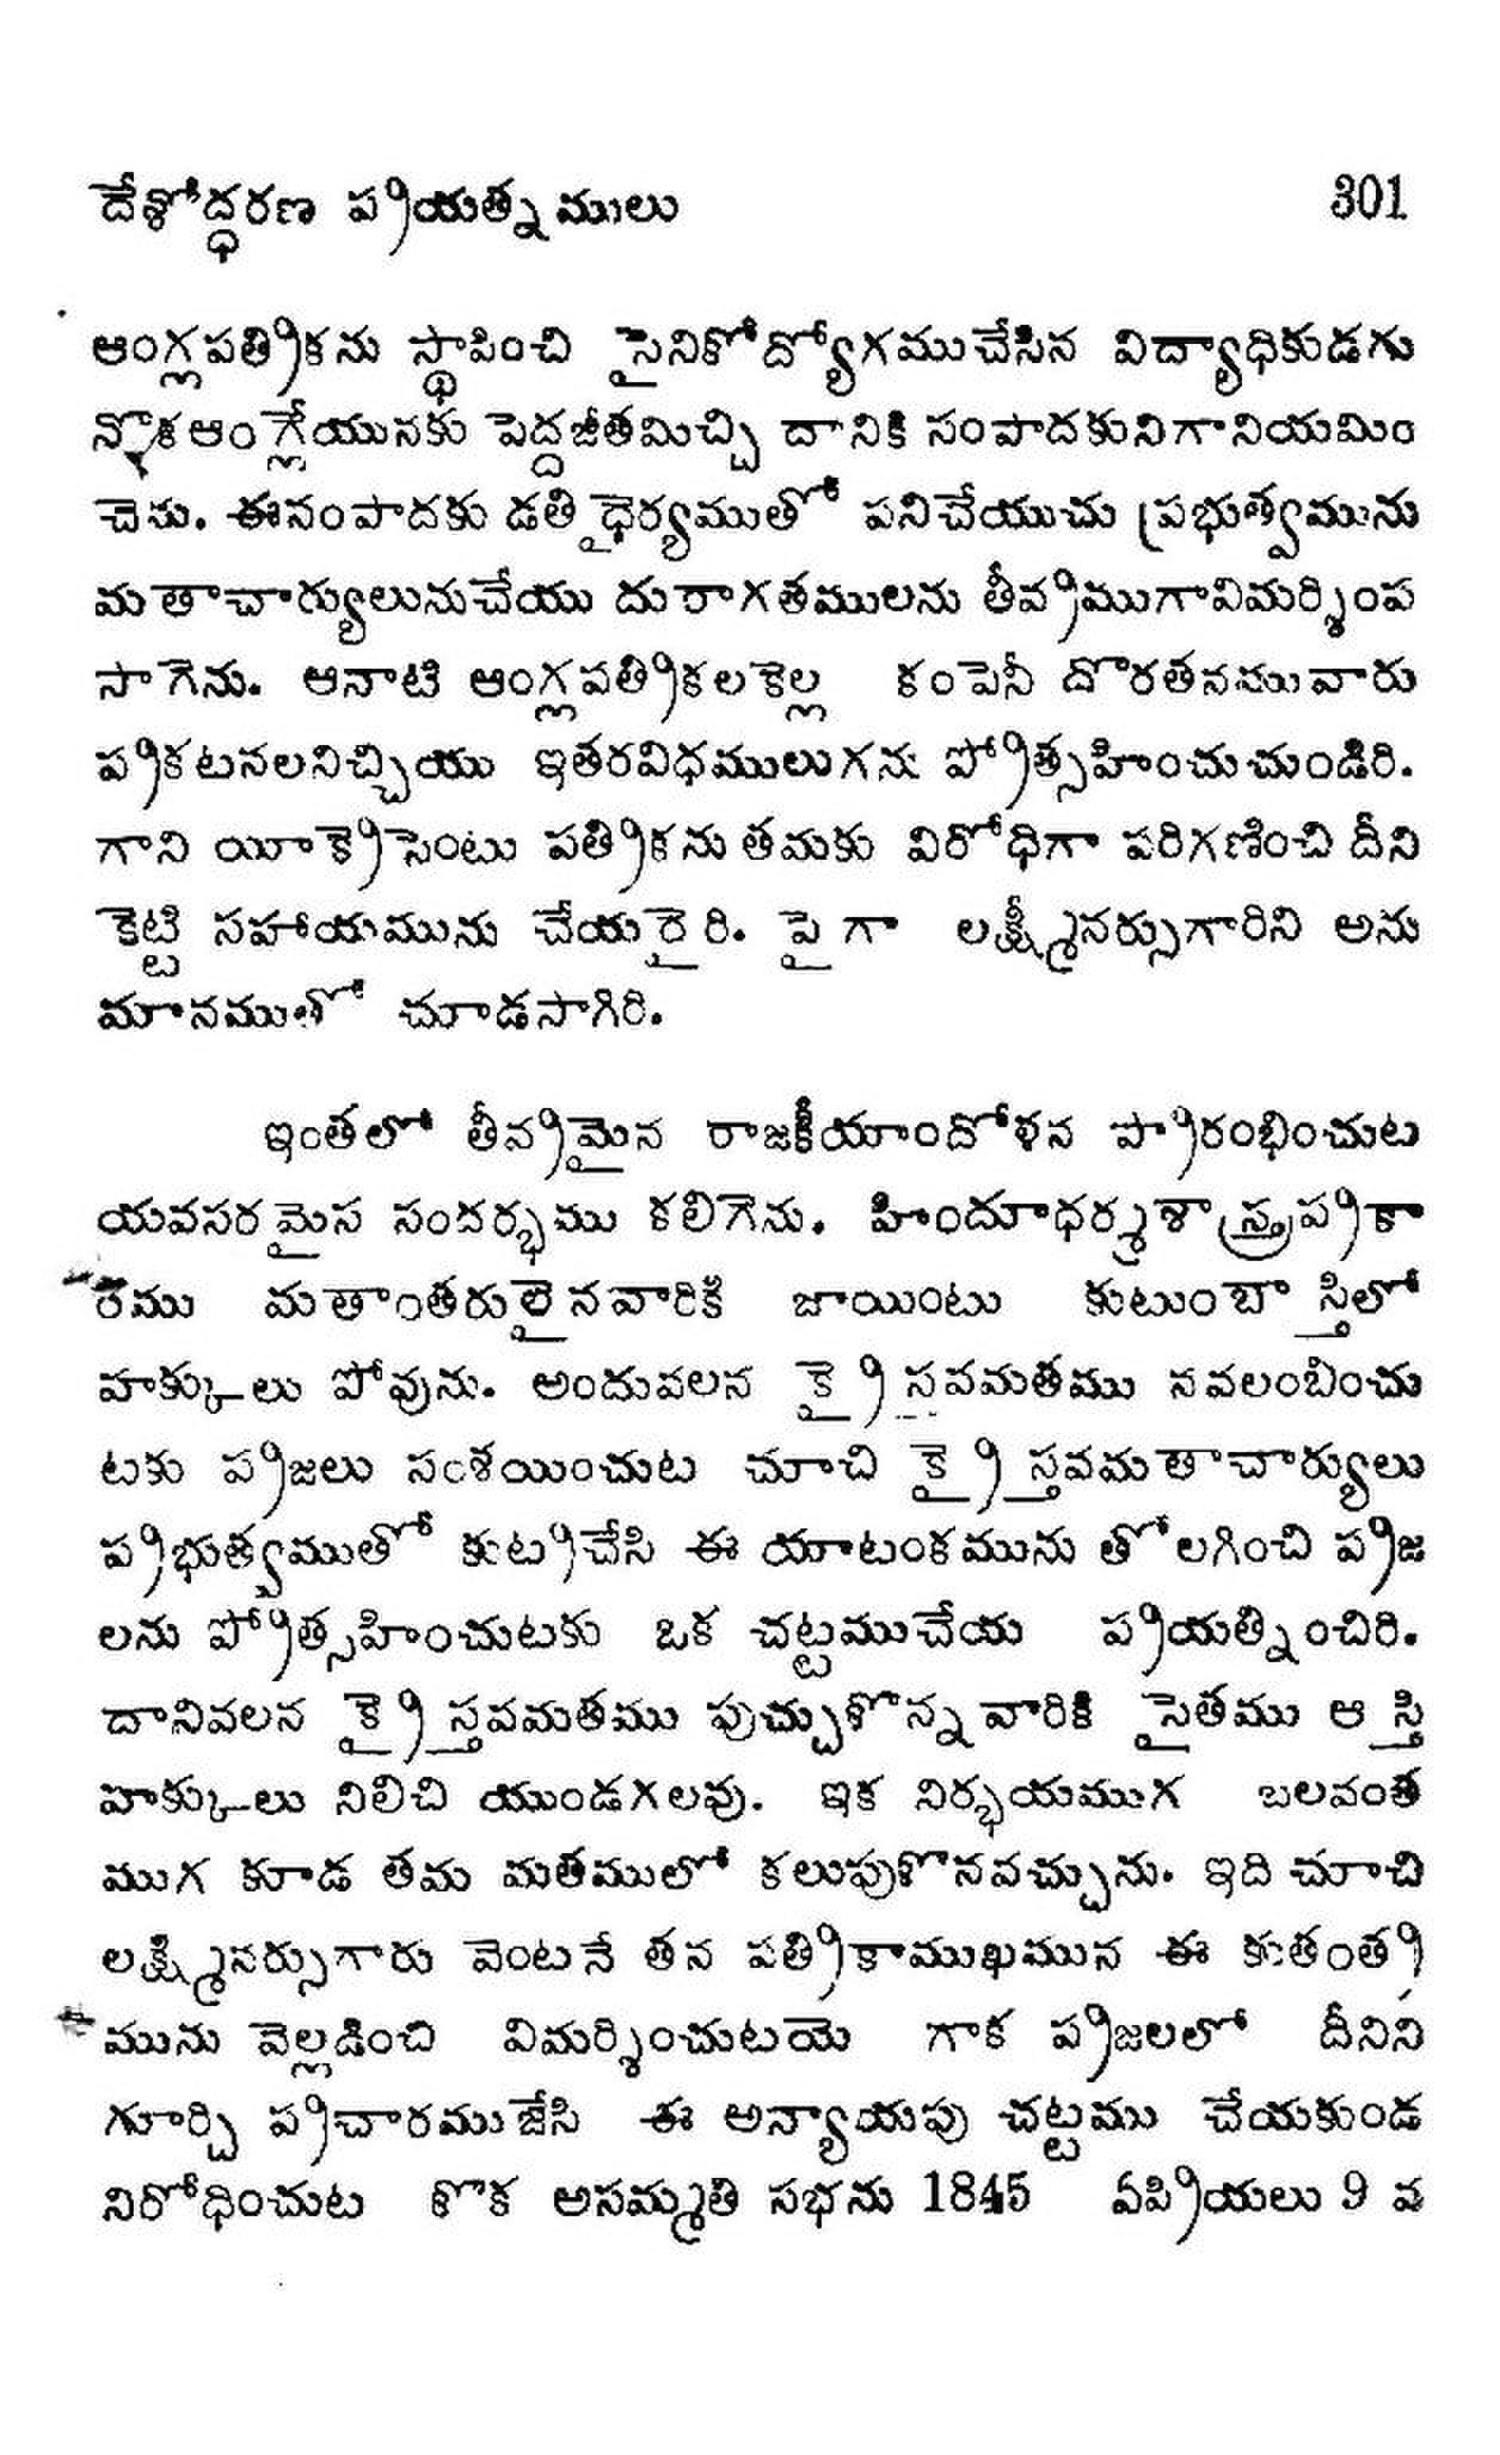ఆంగ్లపత్రికను స్థాపించి సైనికోద్యోగముచేసిన విద్యాధికుడగు నొకఆంగ్లేయునకు పెద్దజీతమిచ్చి దానికి సంపాదకునిగా నియమించెను. ఈనంపాదకు డతి ధైర్యముతో పనిచేయుచు ప్రభుత్వమును మతాచార్యులును చేయు దురాగతములను తీవ్రముగావిమర్శింపసాగెను. ఆనాటి ఆంగ్లపత్రికలకెల్ల కంపెనీ దొరతనమువారు ప్రకటనలనిచ్చియు ఇతరవిధములుగను ప్రోత్సహించుచుండిరి. గాని యీ క్రెసెంటు పత్రికను తమకు విరోధిగా పరిగణించి దీనికెట్టి సహాయమును చేయరైరి. పైగా లక్ష్మీనర్సుగారిని అనుమానముతో చూడసాగిరి.

ఇంతలో తీవ్రమైన రాజకీయాందోళన ప్రారంభించుట యవసరమైస సందర్భము కలిగెను. హిందూధర్మశాస్త్రప్రకారము మతాంతరులైనవారికి జాయింటు కుటుంబాస్తిలో హక్కులు పోవును. అందువలన క్రైస్తవమతము నవలంబించుటకు ప్రజలు సంశయించుట చూచి క్రైస్తవమతాచార్యులు ప్రభుత్వముతో కుట్రచేసి ఈ యాటంకమును తొలగించి ప్రజలను ప్రోత్సహించుటకు ఒక చట్టముచేయ ప్రయత్నించిరి. దానివలన క్రైస్తవమతము పుచ్చుకొన్నవారికి సైతము ఆస్తి హక్కులు నిలిచి యుండగలవు. ఇక నిర్భయముగ బలవంతముగ కూడ తమ మతములో కలుపుకొనవచ్చును. ఇది చూచి లక్ష్మినర్సుగారు వెంటనే తన పత్రికాముఖమున ఈ కుతంత్రమును వెల్లడించి విమర్శించుటయే గాక ప్రజలలో దీనిని గూర్చి ప్రచారముజేసి ఈ అన్యాయపు చట్టము చేయకుండ నిరోధించుట కొక అసమ్మతి సభను 1845 ఏప్రియలు 9 వ